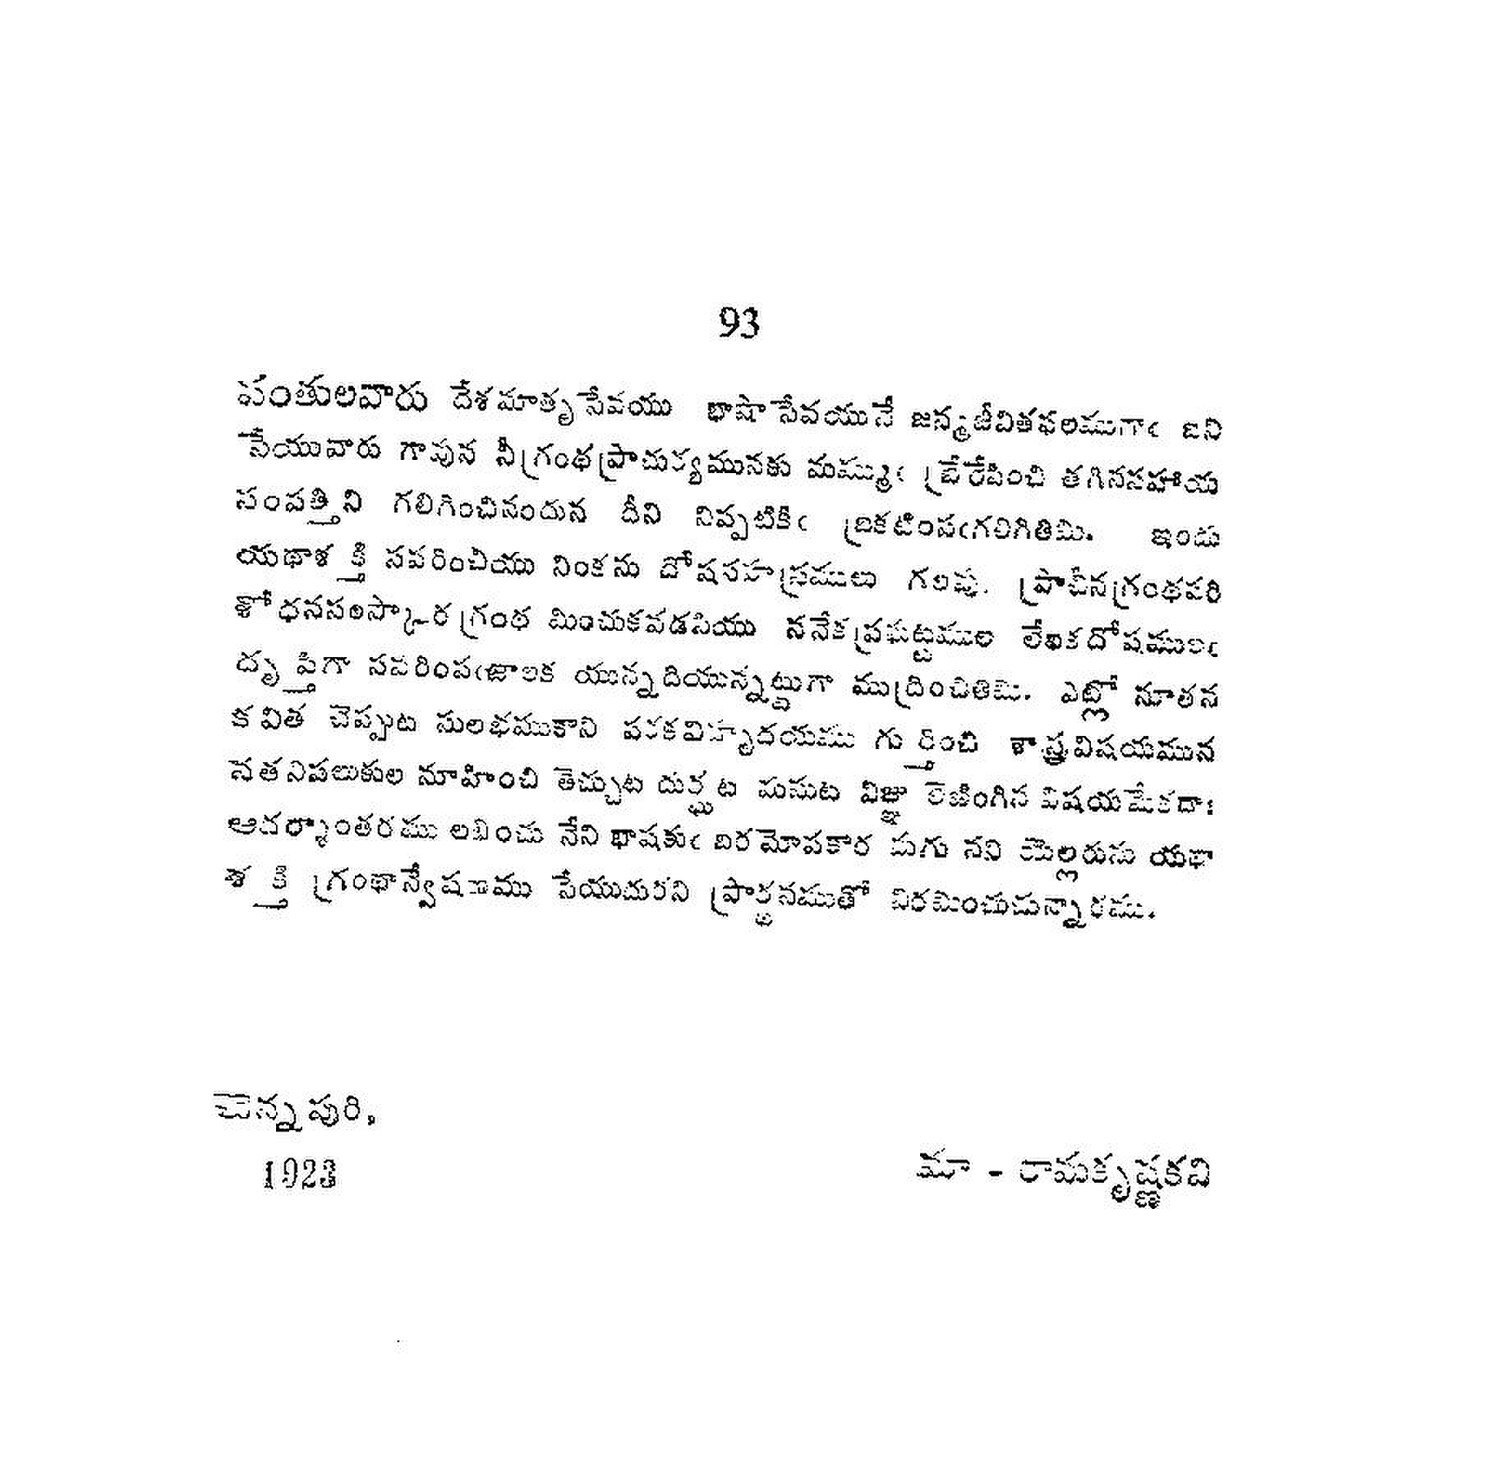పంతులవారు దేశమాతృసేవయు భాషాసేవయునే జన్మజీవితఫలముగాఁ బని సేయువారు గావున నీగ్రంథప్రాచుర్యమునకు మమ్ముఁ ప్రేరేపించి తగినసహాయసంపత్తిని గలిగించినందున దీని నిప్పటికిఁ బ్రకటింపఁగలిగితిమి. ఇందు యథాశక్తి సవరించియు నింకను దోషసహస్రములు గలవు. ప్రాచీనగ్రంథపరిశోధనసంస్కారగ్రంథ మించుక పడసియు ననేకప్రఘట్టముల లేఖకదోషములఁ దృప్తిగా సవరింపఁజాలక యున్నదియున్నట్టుగా ముద్రించితిమి. ఎట్లో నూతనకవిత చెప్పుట సులభము కాని వరకవిహృదయము గుర్తించి శాస్త్రవిషయమున నతనిపలుకుల నూహించి తెచ్చుట దుర్ఘట మనుట విజ్ఞు లెఱింగిన విషయమేకదా! ఆదర్శాంతరము లఖించునేని భాషకుఁ బరమోపకార మగు నని యెల్లరును యథాశక్తి గ్రంథాన్వేషణము సేయుదురని ప్రార్థనముతో విరమించుచున్నారము.